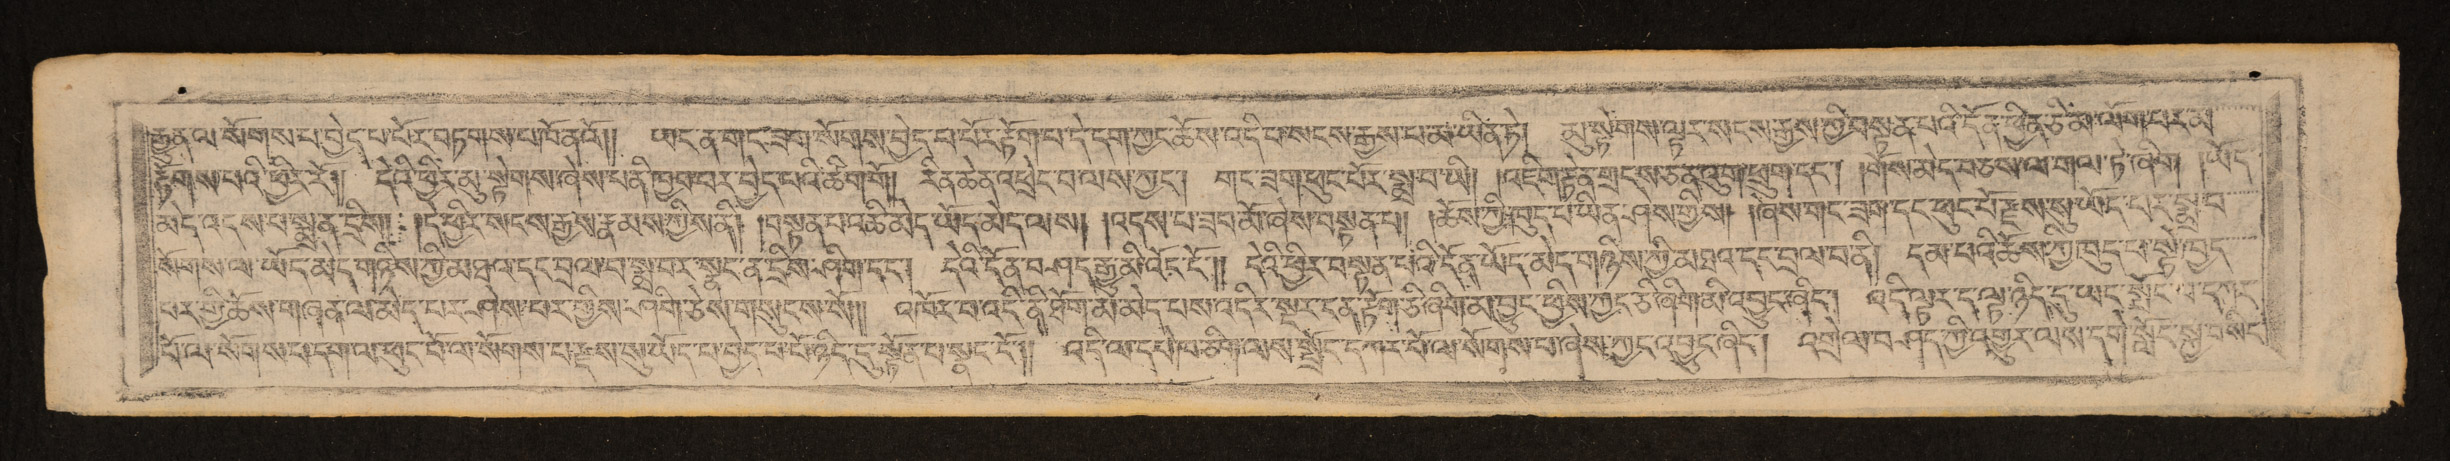རྒྱུན་ལ་སོགས་པ་བྱེད་པ་པོར་བཏགས་པ་ཁོ་ནའོ།། ཡང་ན་གང་ཟག་སོགས་བྱེད་པ་པོར་རྟོག་པ་དེ་དག་ཀྱང་ཆོས་འདི་པ་སངས་རྒྱས་པ་མ་ཡིན་ཏེ། མུ་སྟེགས་ལྟར་སངས་རྒྱས་ཀྱི་བསྟན་པའི་དོན་ཕྱིན་ཅི་མ་ལོག་པར་མ་
རྟོགས་པའི་ཕྱིར་རོ།། དེའི་ཕྱིར་མུ་སྟེགས་ཞེས་པ་ནི་ཁྱབ་པར་བྱེད་པའི་ཚིག་གོ། རིན་ཆེན་འཕྲེང་བ་ལས་ཀྱང་། གང་ཟག་ཕུང་པོར་སྨྲ་བ་ཡི། །འཇིག་རྟེན་གྲངས་ཅན་འུག་ཕྲུག་དང་། །གོས་མེད་བཅས་ལ་གལ་ཏེ་ཞིག །ཡོད་
མེད་འདས་པ་སྨྲ་ན་དྲིས། །དེ་ཕྱིར་སངས་རྒྱས་རྣམས་ཀྱིས་ནི། །བསྟན་པ་འཆི་མེད་ཡོད་མེད་ལས། །འདས་པ་ཟབ་མོ་ཞེས་བསྟན་པ། །ཆོས་ཀྱི་ཁུད་པ་ཡིན་ཞེས་གྱིས། །ཞེས་གང་ཟག་དང་ཕུང་པོ་རྫས་སུ་ཡོད་པར་སྨྲ་བ་
སོགས་ལ་ཡོད་མེད་གཉིས་ཀྱི་མཐའ་དང་བྲལ་བ་སྨྲ་བར་སྣང་ན་དྲིས་ཤིག་དང་། དེའི་དོན་བཤད་རྒྱུ་མི་འོང་ངོ།། དེའི་ཕྱིར་བསྟན་པའི་དོན་ཡོད་མེད་གཉིས་ཀྱི་མཐའ་དང་བྲལ་བ་ནི། དམ་པའི་ཆོས་ཀྱི་ཁུད་པ་སྟེ་ཁྱད་
པར་གྱི་ཆོས་གཞན་ལ་མེད་པར་ཤེས་པར་གྱིས་ཤིག་ཅེས་གསུངས་སོ།། འཁོར་བ་འདི་ནི་ཐོག་མ་མེད་པས་འདིར་སྔར་ངན་རྟོག་ཅི་ཞིག་མ་བྱུང་ཕྱིས་ཀྱང་ཅི་ཞིག་མི་འབྱུང་ཞིང་། འདི་ལྟར་ད་ལྟ་ཉིད་དུ་ཡང་སྤོང་བ་དཀར་
པོ་ལ་སོགས་པ་དག་ལ་ཕུང་པོ་ལ་སོགས་པ་རྫས་སུ་ཡོད་པ་བྱེད་པ་པོ་ཉིད་དུ་སྟོན་པ་སྣང་ངོ།། འདི་ལ་དཔེ་ཁ་ཅིག་ལས་སྤྲོང་དཀར་པོ་ལ་སོགས་པ་ཞེས་ཀྱང་འབྱུང་ཞིང་། འགྲེལ་བཤད་ཀྱི་འགྱུར་ལས་དགེ་སློང་སྐྱེ་བ་སིང་